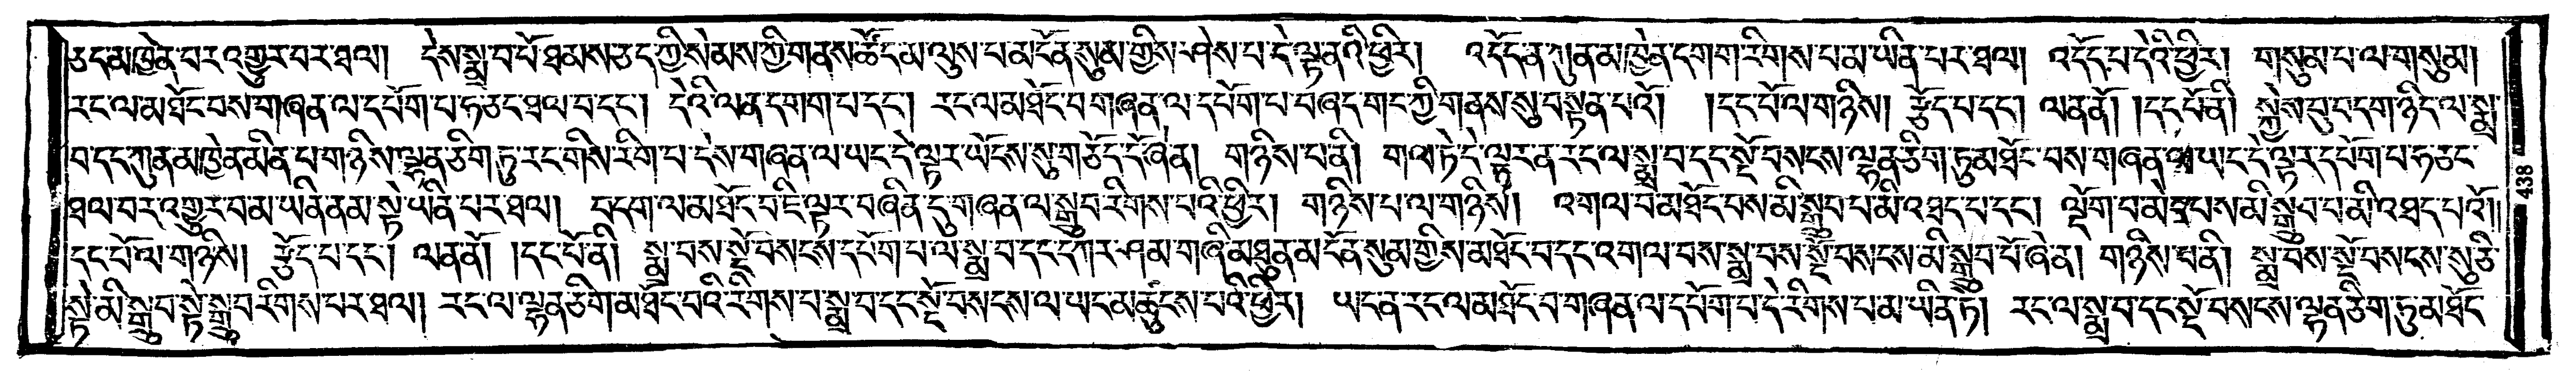ཅད་མཁྱེན་པར་འགྱུར་བར་ཐལ། དེས་སྨྲ་བ་པོ་ཐམས་ཅད་ཀྱི་སེམས་ཀྱི་གནས་ཚོད་མ་ལུས་པ་མངོན་སུམ་གྱིས་ཤེས་པ་དེ་ལྟ་ནའི་ཕྱིར། འདོད་ན་ཀུན་མཁྱེན་དགག་རིགས་པ་མ་ཡིན་པར་ཐལ། འདོད་པ་དེའི་ཕྱིར། གསུམ་པ་ལ་གསུམ།
རང་ལ་མཐོང་བས་གཞན་ལ་དཔོག་པ་ཧ་ཅང་ཐལ་བ་དང་། དེའི་ལན་དགག་པ་དང་། རང་ལ་མཐོང་བ་གཞན་ལ་དཔོག་པ་བཞད་གང་ཀྱི་གནས་སུ་བསྟན་པའོ། །དང་པོ་ལ་གཉིས། རྩོད་པ་དང་། ལན་ནོ། །དང་པོ་ནི། སྐྱེས་བུ་བདག་ཉིད་ལ་སྨྲ་
བ་དང་ཀུན་མཁྱེན་མིན་པ་གཉིས་ལྷན་ཅིག་ཏུ་རང་གིས་རིག་པ་དེས་གཞན་ལ་ཡང་དེ་ལྟར་ཡོངས་སུ་གཅོད་དོ་ཞེ་ན། གཉིས་པ་ནི། གལ་ཏེ་དེ་ལྟར་ན་རང་ལ་སྨྲ་བ་དང་སྔོ་བསངས་ལྷན་ཅིག་ཏུ་མཐོང་བས་གཞན་ལ་ཡང་དེ་ལྟར་དཔོག་པ་ཧ་ཅང་
ཐལ་བར་འགྱུར་བ་མ་ཡིན་ནམ་སྟེ་ཡིན་པར་ཐལ། བདག་ལ་མཐོང་བ་ཇི་ལྟར་བཞིན་དུ་གཞན་ལ་སྒྲུབ་རིགས་པའི་ཕྱིར། གཉིས་པ་ལ་གཉིས། འགལ་བ་མཐོང་བས་མི་སྒྲུབ་པ་མི་འཐད་པ་དང་། ལྡོག་པ་མེད་པས་མི་སྒྲུབ་པ་མི་འཐད་པའོ།།
དང་པོ་ལ་གཉིས། རྩོད་པ་དང་། ལན་ནོ། །དང་པོ་ནི། སྨྲ་བས་སྔོ་བསངས་དཔོག་པ་ལ་སྨྲ་བ་དང་དཀར་ཤམ་གཞི་མཐུན་མངོན་སུམ་གྱིས་མཐོང་བ་དང་འགལ་བས་སྨྲ་བས་སྔོ་བསངས་མི་སྒྲུབ་པོ་ཞེ་ན། གཉིས་པ་ནི། སྨྲ་བས་སྔོ་བསངས་སུ་ཅི་
སྟེ་མི་སྒྲུབ་སྟེ་སྒྲུབ་རིགས་པར་ཐལ། རང་ལ་ལྷན་ཅིག་མཐོང་བའི་རིགས་པ་སྨྲ་བ་དང་སྔོ་བསངས་ལ་ཡང་མཚུངས་པའི་ཕྱིར། ཡང་ན་རང་ལ་མཐོང་བ་གཞན་ལ་དཔོག་པ་དེ་རིགས་པ་མ་ཡིན་ཏེ། རང་ལ་སྨྲ་བ་དང་སྔོ་བསངས་ལྷན་ཅིག་ཏུ་མཐོང་